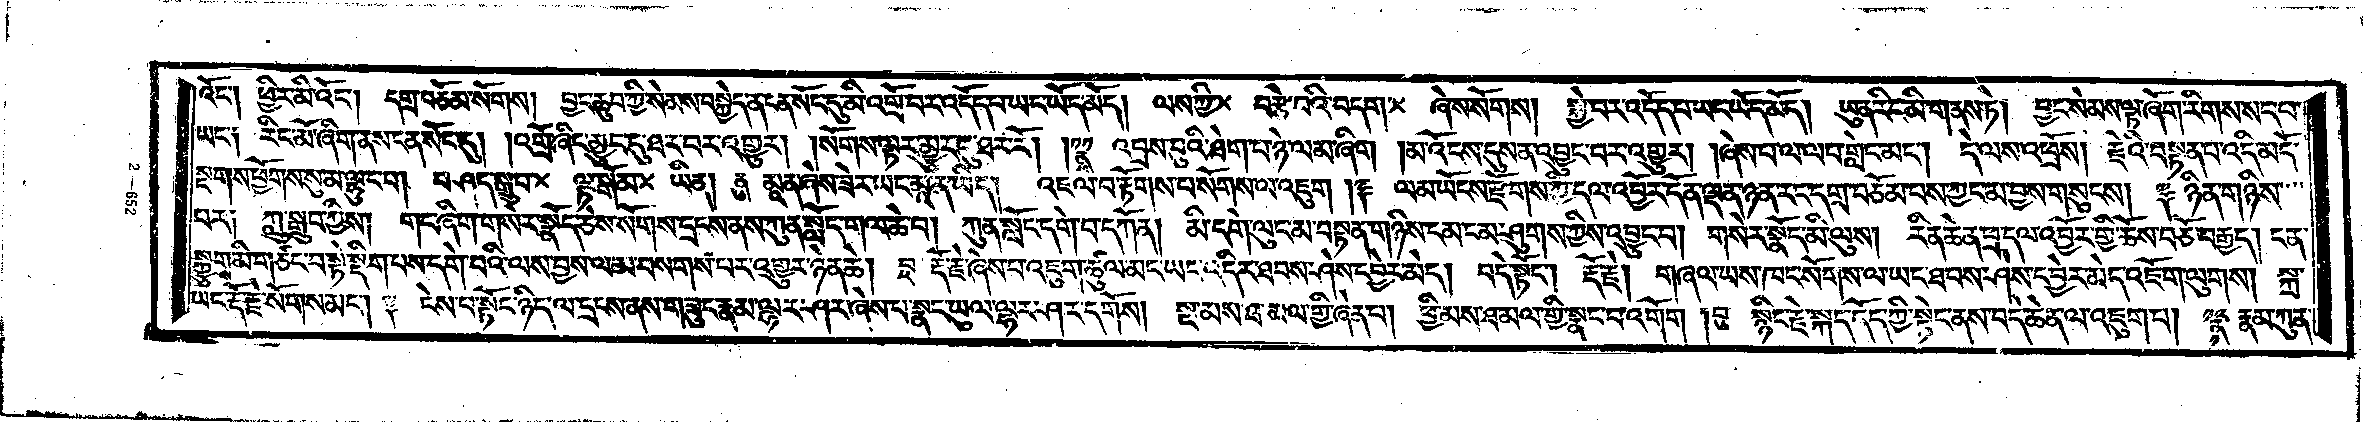དང་། ཕྱི་རོལ་འོང་། འགྲོ་བཅོམ་སོགས། བྱང་ཆུབ་ཀྱི་སེམས་བསྐྱེད་ན་ངན་སོང་དུ་མི་འགྲོ་བར་འདོད་པ་ཡང་ཡོད་མོད། ལས་ཀྱི་྾་བརྩེ་བའི་བདག་྾་ཞེས་སོགས། སྐྱེ་བར་འདོད་པ་ཡང་ཡོད་མོད། ཡུན་རིང་མི་གནས་ཏེ། བྱང་སེམས་ལྟ་ཞོག་རིགས་སད་བ་
ཡང༑ རང་མོ་ནི་ནས་ངན་སོང་། །འགྲོ་ཞིང་མྱུར་དུ་ཐར་བར་འགྱུར། །སོགས་ལྟར་མྱུར་དུ་ཐར་རོ། །༡༡ན༥་འབྲས་བུའི་ཐེག་པ་ཉེ་ལམ་ཞིག །མ་འོངས་དུས་ན་འབྱུང་བར་འགྱུར། །ཞེས་བ་ལ་ལ་བ་གླེང་མང་། དེ་ལས་འཕྲོས། །རྗེའི་བསྟན་པ་འདི་མདོ་
སྔགས་ཕྱོགས་སུ་མ་ལྷུང་བ། བཤད་སྒྲུབ་྾་ལྟ་སྒོམ་྾་ཡིན། ན༦་མཱན་ཞེས་ཟེར་ཡང་མཱ་ན་ཡིད། འཇལ་བ་རྟོགས་པ་སོགས་ལ་འཇུག །༈ ལམ་ཡོངས་རྫོགས་ཀྱི་དལ་འབྱོར་དོན་ལྡན་ཉན་རང་དགྲ་བཅོམ་པས་ཀྱང་མ་བྱས་གསུངས། ༈ ཉིན་གཉིས་
པར། ཀླུ་སྒྲུབ་ཀྱིས། གང་ཞིག་གསེར་སྣོད་ཅེས་སོགས་དྲངས་ནས་ཀུན་སློང་གལ་ཆེ་བ། ཀུན་སློང་དགེ་བ་དཀོན། མི་དགེ་ལུང་མ་བསྟན་གཉིས་ངམ་ངམ་ཤུགས་ཀྱིས་འབྱུང་བ། གསེར་སྣོད་མི་ལུས། རིན་ཆེན་ཕྲ་དལ་འབྱོར་གྱི་ཆོས་བཅོ་བརྒྱད། ངན་
སྐྱུགས་མི་གཙང་བ་སྟེ་སྡིག་པས་དགེ་བའི་ལས་བྱས་ལམ་བསགས་པར་འགྱུར་ཉེན་ཆེ། བ༥་རྡོ་རྗེ་ཞེས་པ་འཇུག་ཚུལ་མང་ཡང་འདིར་ཐབས་ཤེས་དབྱེར་མེད། བདེ་སྟོང་། རྡོ་རྗེ། གཞལ་ཡས་ཁང་སོགས་ལ་ཡང་ཐབས་ཤེས་དབྱེར་མེད་འཇོག་ལུགས། སྐྲ་
ཡང་རྡོ་རྗེ་སོགས་མང་། ༈ ངེས་པ་སྟོང་ཉིད་ལ་དྲངས་ནས་གཟུང་རྣམ་ལྷར་ཤར་ཞེས་པ་སྣང་ཡུལ་ལྷར་ཤར་དགོས། སྔ་མས་ཐ་མལ་གྱི་ཞེན་པ། ཕྱི་མས་ཐ་མལ་གྱི་སྣང་པ་འགོག །བ༦་སྙིང་རྗེ་སྐད་དོད་ཀྱི་སྟེང་ནས་བདེ་ཆེན་ལ་འཇུག་པ། ༡༢ན༡་རྣམ་ཀུན་